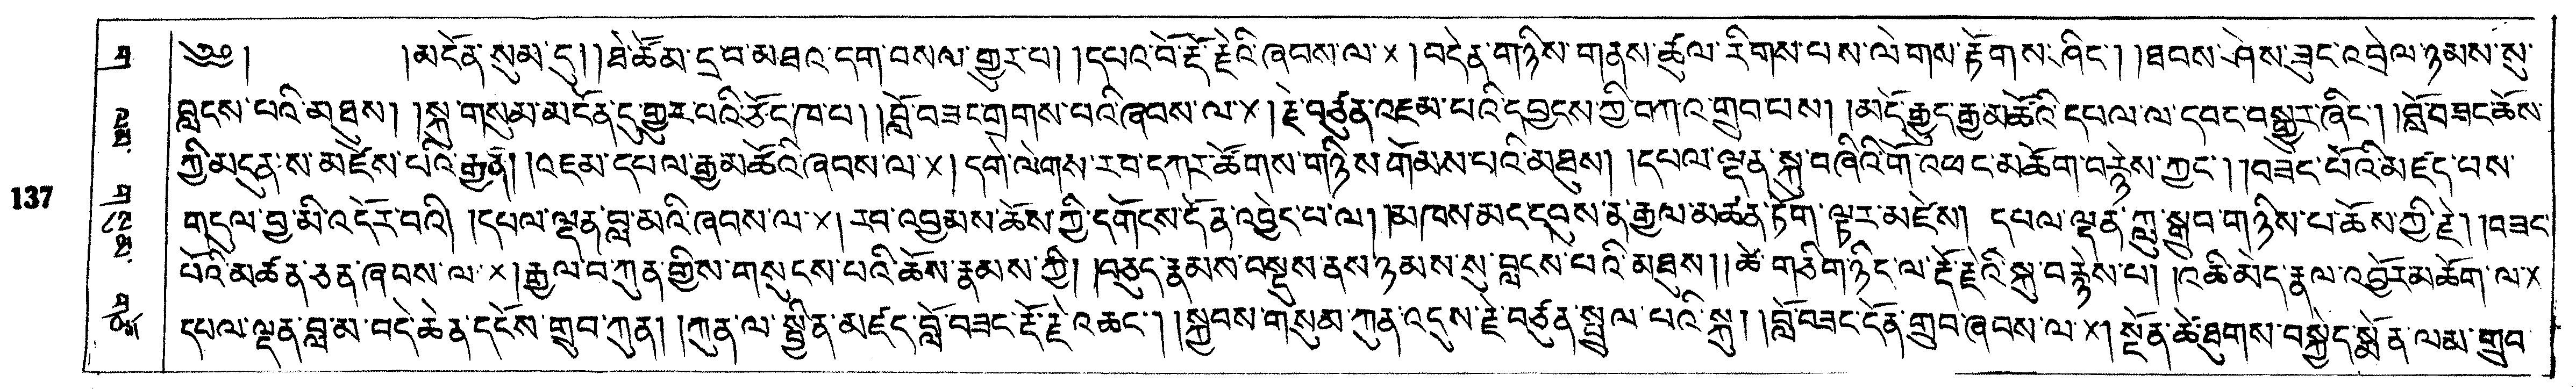༄༅། །མངོན་སུམ་དུ། །ཐེ་ཚོམ་དྲ་བ་མཐའ་དག་བསལ་གྱུར་པ། །དཔའ་བོ་རྡོ་རྗེའི་ཞབས་ལ་྾། བདེན་གཉིས་གནས་ཚུལ་རིགས་པས་ལེགས་རྟོགས་ཤིང་། །ཐབས་ཤེས་ཟུང་འབྲེལ་ཉམས་སུ་
བླངས་པའི་མཐུས། །སྐུ་གསུམ་མངོན་དུ་གྱུར་པའི་ཙོང་ཁ་པ། །བློ་བཟང་གྲགས་པའི་ཞབས་ལ་྾། རྗེ་བཙུན་འཇམ་པའི་དབྱངས་ཀྱི་བཀའ་གྲུབ་པས། །མདོ་རྒྱུད་རྒྱ་མཚོའི་དཔལ་ལ་དབང་བསྒྱུར་ཞིང་། །བློ་བཟང་ཆོས་
ཀྱི་མདུན་ས་མཛེས་པའི་རྒྱན། །འཇམ་དཔལ་རྒྱ་མཚོའི་ཞབས་ལ་྾། དགེ་ལེགས་རབ་དཀར་ཚོགས་གཉིས་གོམས་པའི་མཐུས། །དཔལ་ལྡན་སྐུ་བཞིའི་གོ་འཕང་མཆོག་བརྙེས་ཀྱང་། །བཟང་པོའི་མཛད་པས་
གདུལ་བྱ་མི་འདོར་བའི། །དཔལ་ལྡན་བླ་མའི་ཞབས་ལ་྾། རབ་འབྱམས་ཆོས་ཀྱི་དགོངས་དོན་འབྱེད་པ་ལ། །མཁས་མང་དབུས་ན་རྒྱལ་མཚན་ཏོག་ལྟར་མཛེས། དཔལ་ལྡན་ཀླུ་སྒྲུབ་གཉིས་པ་ཆོས་ཀྱི་རྗེ། །བཟང་
པོའི་མཚན་ཅན་ཞབས་ལ་྾། རྒྱལ་བ་ཀུན་གྱིས་གསུངས་པའི་ཆོས་རྣམས་ཀྱི། །བཅུད་རྣམས་བསྡུས་ནས་ཉམས་སུ་བླངས་པའི་མཐུས། །ཚེ་གཅིག་ཉིད་ལ་རྡོ་རྗེའི་སྐུ་བརྙེས་པ། །འཆི་མེད་རྣལ་འབྱོར་མཆོག་ལ་྾་
དཔལ་ལྡན་བླ་མ་བདེ་ཆེན་དངོས་གྲུབ་ཀུན། །ཀུན་ལ་སྦྱིན་མཛད་བློ་བཟང་རྡོ་རྗེ་འཆང་། །སྐྱབས་གསུམ་ཀུན་འདུས་རྗེ་བཙུན་སྤྲུལ་པའི་སྐུ། །བློ་བཟང་དོན་གྲུབ་ཞབས་ལ་྾། སྔོན་ཚེ་ཐུགས་བསྐྱེད་སྨོན་ལམ་གྲུབ་